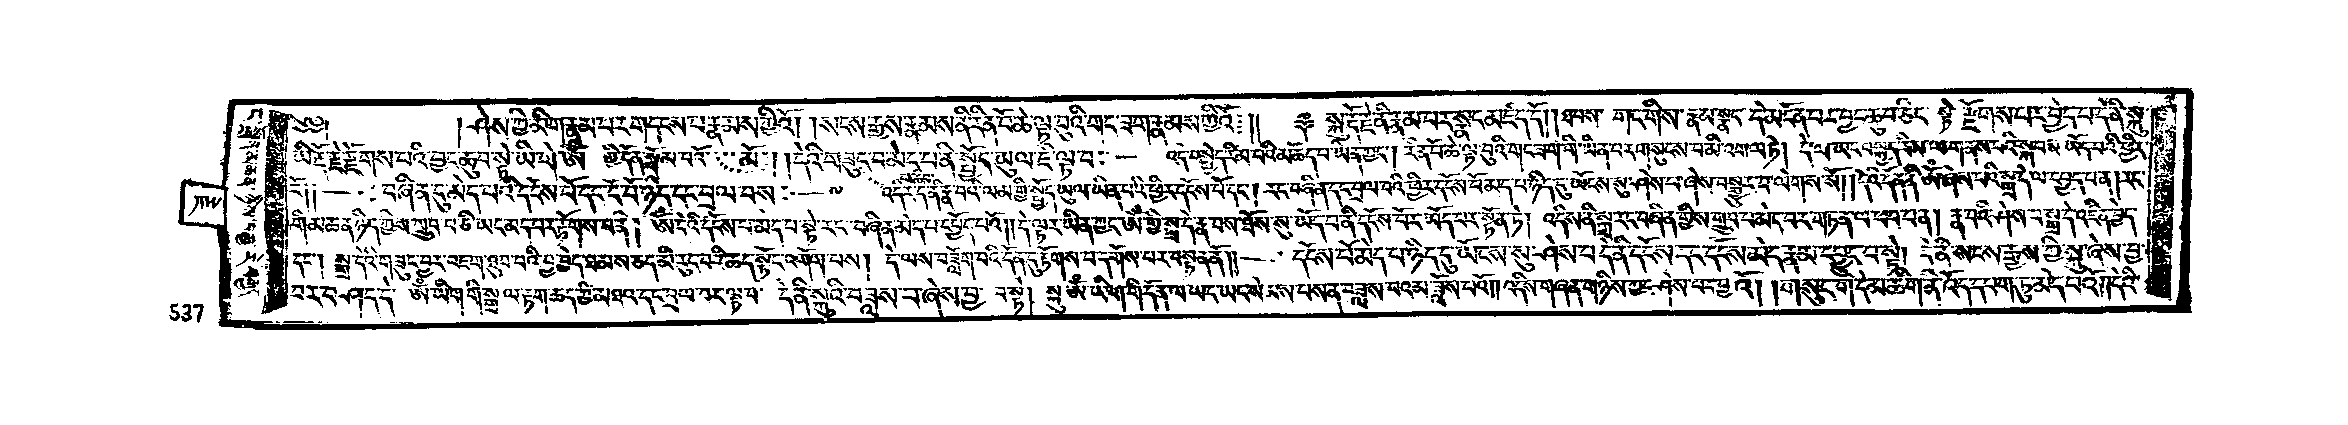༄༅། །ཤེས་ཀྱི་མིག་རྣམ་པར་གདངས་པ་རྣམས་ཀྱིའོ། །སངས་རྒྱས་རྣམས་ནི་རིན་པོ་ཆེ་ལྟ་བུའི་གང་ཟག་རྣམས་ཀྱིའོ།། ༈ སྐུ་རྡོ་རྗེ་ནི་རྣམ་པར་སྣང་མཛད་དོ། །ཐབས་གང་གིས་རྣམ་སྣང་དེ་མངོན་པར་བྱང་ཆུབ་ཅིང་སྟེ་རྫོགས་པར་བྱེད་པ་དེ་ནི་སྐུ་
ཡི་རྡོ་རྗེ་རྫོགས་པའི་བྱང་ཆུབ་སྟེ་ཡི་གེ་ཨོཾ་གྱི་དོན་སྒོམ་པའོ་མོ། །དེའི་གཟུང་བ་མེད་པ་ནི་སྤྱོད་ཡུལ་ཇི་ལྟ་བཿ་འདི་བསྐྱེད་རིམ་པའི་མཆོད་པ་ཡིན་ཀྱང་། རིན་པོ་ཆེ་ལྟ་བུའི་གང་ཟག་གི་ཡིན་པར་གསུངས་པ་མི་འགལ་ཏེ། དེ་ལ་ཡང་བསྐྱེད་རིམ་ལ་གནས་པའི་སྐབས་ཡོད་པའི་ཕྱིར་
རོ།།.H བཞིན་དུ་མེད་པའི་དངོས་པོ་དང་ངོ་བོ་ཉིད་དང་བྲལ་བསཿ་༧་པ་ཚབ་འདིར་དེ་ནི་རྣ་བའི་ལམ་གྱི་སྤྱོད་ཡུལ་ཡིན་པའི་ཕྱིར་དངོས་པོ་དང་། རང་བཞིན་དང་བྲལ་བའི་ཕྱིར་དངོས་པོ་མེད་པ་ཉིད་དུ་ཡོངས་སུ་ཤེས་པ་ཞེས་བསྒྱུར་བ་ལེགས་སོ། །དའི་དོན་ནི་ཨོཾ་ཞེས་པའི་སྒྲ་དེ་ལ་དཔྱད་པ་ན། རང་
གི་མཚན་ཉིད་ཀྱིས་གྲུབ་པ་ཅི་ཡང་མེད་པར་རྟོགས་པ་ནི། ཨོཾ་དེའི་དངོས་པོ་མེད་པ་སྟེ་རང་བཞིན་མེད་པ་དཔྱོད་པའོ། །དེ་ལྟར་ཡིན་ཀྱང་ཨོཾ་གྱི་སྒྲ་དེ་རྣ་བས་ཐོས་སུ་ཡོད་པ་ནི་དངོས་པོར་ཡོད་པར་སྟོན་ཏེ། འདིས་ནི་སྒྲ་རང་བཞིན་གྱིས་གྲུབ་པ་མེད་པར་གཏན་ལ་ཕབ་པ་ན། རྣ་བའི་ཤེས་པ་སྒྲ་དེ་འཛིན་བྱེད་
དང་། སྒྲ་དེའི་གཟུང་བྱར་འཇག་ཐུབ་པའི་བྱ་བྱེད་ཐམས་ཅད་མི་རུང་བའི་ཆད་སྟོང་འགོག་པས། དེ་ལས་བཟློག་པའི་དོན་དུ་རྟོགས་པ་དགོས་པར་བསྟན་ནོ།།.H དངོས་པོ་མེད་པ་ཉིད་དུ་ཡོངས་སུ་ཤེས་པ་དེ་ནི་དངོས་དང་དངོས་མེད་རྣམ་དཔྱད་པ་སྟེ། དེ་ནི་སངས་རྒྱས་ཀྱི་སྐུ་ཞེས་བྱ་
བར་བཤད་དེ་ཨོཾ་ཡིག་གི་སྒྲ་ལ་རྟག་ཆད་ཀྱི་མཐའ་དང་བྲལ་བར་ལྟ་བ་དེ་ནི་སྐུའི་བཟླས་པ་ཞེས་བྱ་བ་སྟེ། སྐུ་ཨོཾ་ཡིག་གི་དོན་ལ་ཡང་ཡང་སེམས་པས་ན་བཟླས་པའམ་ཟློས་པའོ། །འདིས་གཞན་གཉིས་ཀྱང་ཤེས་པར་བྱའོ། །གསུང་གི་དམ་ཚིག་ནི་འོད་དཔག་ཏུ་མེད་པའོ། །དེའི་